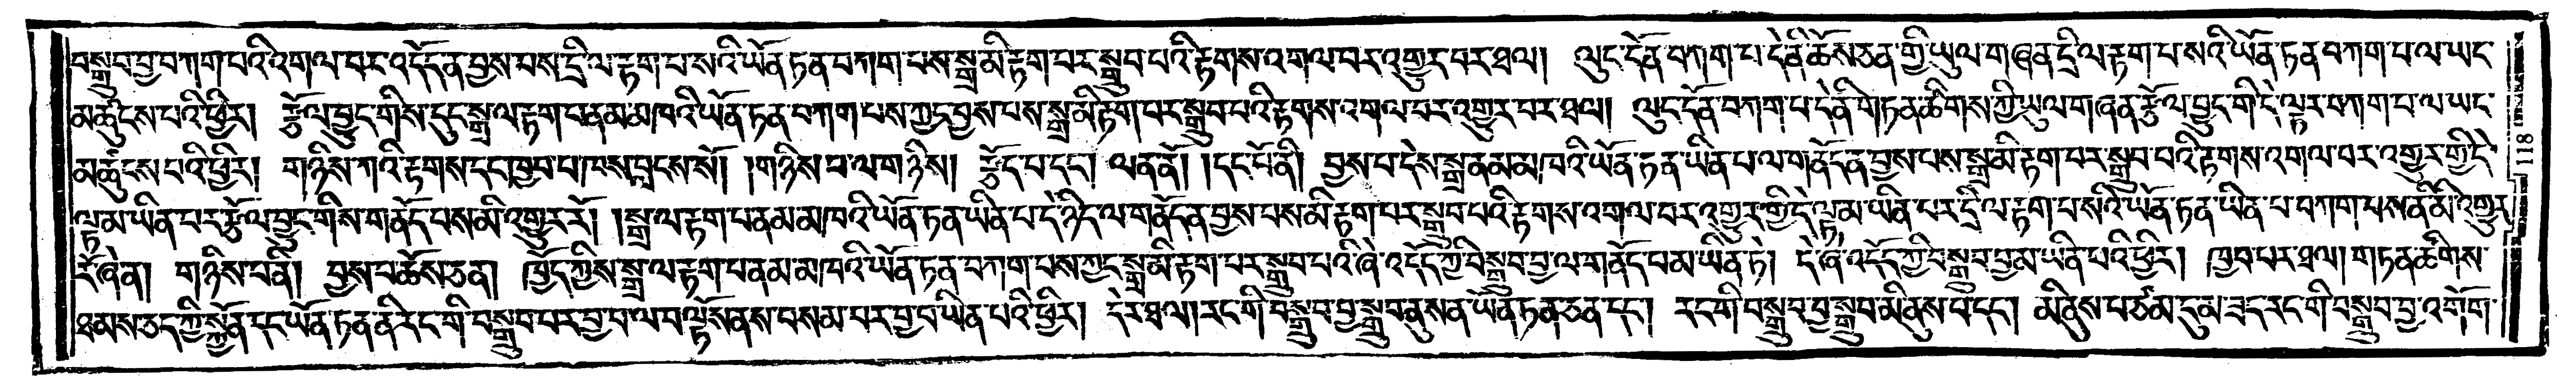བསྒྲུབ་བྱ་བཀག་པའི་འགལ་བར་འདོད་ན་བྱས་པས་དྲི་ལ་རྟག་པ་སའི་ཡོན་ཏན་བཀག་པས་སྒྲ་མི་རྟག་པར་སྒྲུབ་པའི་རྟགས་འགལ་བར་འགྱུར་བར་ཐལ། ལུང་དོན་བཀག་པ་དེ་ནིགཏན་ཚིགས་ཀྱི་ཡུལ་གཞན་རྩོལ་བྱུང་གི་དེ་ལྟར་བཀག་བ་ལ་ཡན་
མཚུངས་པའི་ཕྱིར། རྩོལ་བྱུང་གིས་དུང་སྒྲ་ལ་རྟག་པ་ནམ་མཁའི་ཡོན་ཏན་བཀག་པས་ཀྱང་བྱས་པས་སྒྲ་མི་རྟག་པར་སྒྲུབ་པའི་རྟགས་འགལ་བར་འགྱུར་པར་ཐལ། ལུང་དོན་བཀག་པ་དེ་ནི་གཏན་ཚིགས་ཀྱི་ཡུལ་གཞན་རྩོལ་བྱུང་གི་དེ་ལྟར་བཀག་པ་ལ་ཡང་
མཚུངས་པའི་ཕྱིར། གཉིས་ཀའི་རྟགས་དང་ཁྱབ་པ་ཁས་བླངས་སོ། །གཉིས་པ་ལ་གཉིས། རྩོད་པ་དང་། ལན་ནོ། །དང་པོ་ནི། བྱས་པ་དེས་སྒྲ་ནམ་མཁའི་ཡོན་ཏན་ཡིན་པ་ལ་གནོད་ན་བྱས་པས་སྒྲ་མི་རྟག་པར་སྒྲུབ་པའི་རྟགས་འགལ་བར་འགྱུར་གྱི་དེ་
ལྟ་མ་ཡིན་པར་རྩོལ་བྱུང་གིས་གནོད་བས་མི་འགྱུར་རོ། །སྒྲ་ལ་རྟག་པ་ནམ་མཁའི་ཡོན་ཏན་ཡིན་པ་དེ་ཉིད་ལ་གནོད་ན་བྱས་པས་མི་རྟག་པར་སྒྲུབ་པའི་རྟགས་འགལ་བར་འགྱུར་གྱི་དེ་ལྟ་མ་ཡིན་པར་དྲི་ལ་རྟག་པ་སའི་ཡོན་ཏན་ཡིན་པ་བཀག་པས་ནི་མི་འགྱུར་
རོ་ཞེ་ན། གཉིས་པ་ནི། བྱས་པ་ཆོས་ཅན། ཁྱོད་ཀྱིས་སྒྲ་ལ་རྟག་པ་ནམ་མཁའི་ཡོན་ཏན་བཀག་པས་ཀྱང་སྒྲ་མི་རྟག་པར་སྒྲུབ་པའི་ཞེ་འདོད་ཀྱི་བསྒྲུབ་བྱ་ལ་གནོད་པ་མ་ཡིན་ཏེ། དེ་ཞེ་འདོད་ཀྱི་བསྒྲུབ་བྱ་མ་ཡིན་པའི་ཕྱིར། ཁྱབ་པར་ཐལ། གཏན་ཚིགས་
ཐམས་ཅད་ཀྱི་སྐྱོན་དང་ཡོན་ཏན་ནི་རང་གི་བསྒྲུབ་པར་བྱ་བ་ལ་བལྟོས་ནས་བསམ་པར་བྱ་བ་ཡིན་པའི་ཕྱིར། དེར་ཐལ། རང་གི་བསྒྲུབ་བྱ་སྒྲུབ་ནུས་ན་ཡོན་ཏན་ཅན་དང་། རང་གི་བསྒྲུབ་བྱ་སྒྲུབ་མི་ནུས་པ་དང་། མི་ནུས་པ་ཙམ་དུ་མ་ཟད་རང་གི་བསྒྲུབ་བྱ་འགོག་